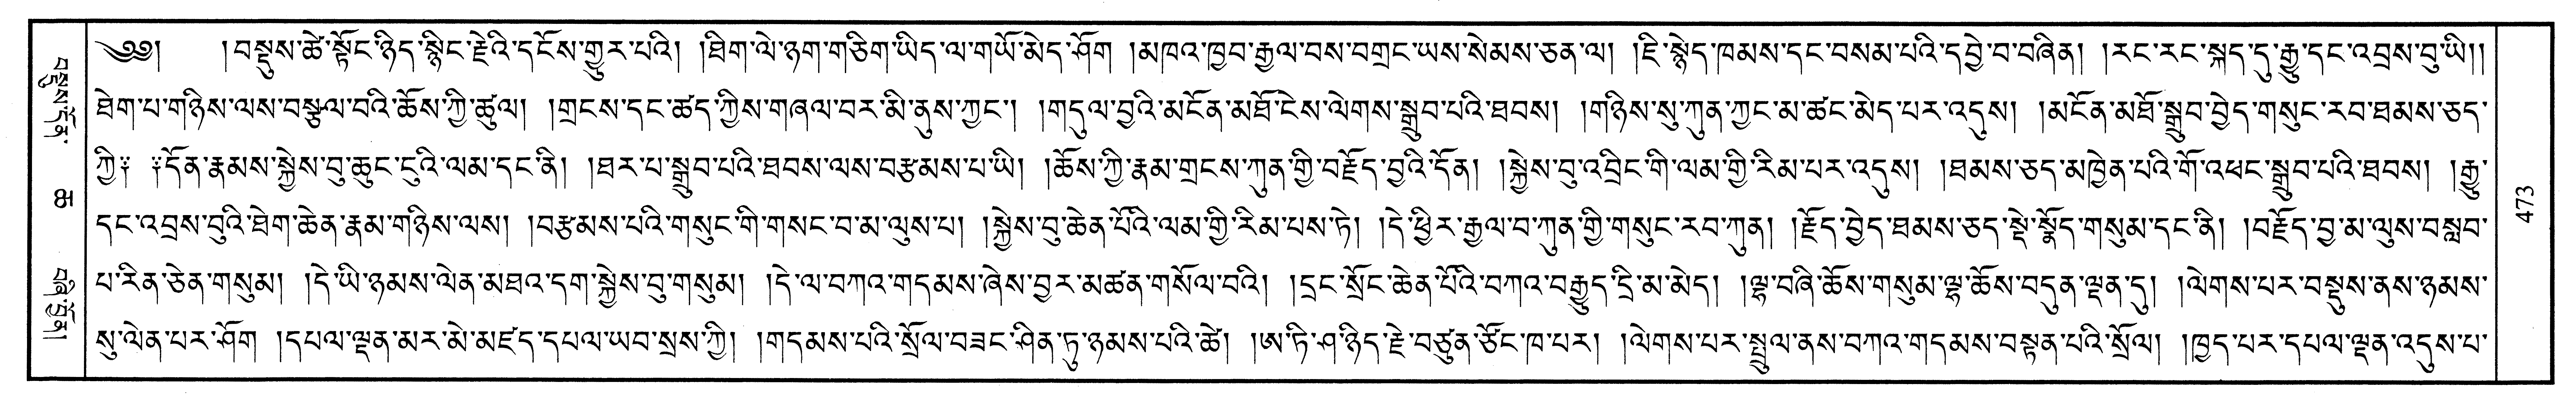༄༅། །བསྡུས་ཚེ་སྟོང་ཉིད་སྙིང་རྗེའི་དངོས་གྱུར་པའི། །ཐིག་ལེ་ཉག་གཅིག་ཡིད་ལ་གཡོ་མེད་ཤོག །མཁའ་ཁྱབ་རྒྱལ་བས་བགྲང་ཡས་སེམས་ཅན་ལ། །ཇི་སྙེད་ཁམས་དང་བསམ་པའི་དབྱེ་བ་བཞིན། །རང་རང་སྐད་དུ་རྒྱུ་དང་འབྲས་བུ་ཡི།།
ཐེག་པ་གཉིས་ལས་བསྩལ་བའི་ཆོས་ཀྱི་ཚུལ། །གྲངས་དང་ཚད་ཀྱིས་གཞལ་བར་མི་ནུས་ཀྱང་། །གདུལ་བྱའི་མངོན་མཐོ་ངེས་ལེགས་སྒྲུབ་པའི་ཐབས། །གཉིས་སུ་ཀུན་ཀྱང་མ་ཚང་མེད་པར་འདུས། །མངོན་མཐོ་སྒྲུབ་བྱེད་གསུང་རབ་ཐམས་ཅད་
ཀྱི༑ ༑དོན་རྣམས་སྐྱེས་བུ་ཆུང་ངུའི་ལམ་དང་ནི། །ཐར་པ་སྒྲུབ་པའི་ཐབས་ལས་བརྩམས་པ་ཡི། །ཆོས་ཀྱི་རྣམ་གྲངས་ཀུན་གྱི་བརྗོད་བྱའི་དོན། །སྐྱེས་བུ་འབྲིང་གི་ལམ་གྱི་རིམ་པར་འདུས། །ཐམས་ཅད་མཁྱེན་པའི་གོ་འཕང་སྒྲུབ་པའི་ཐབས། །རྒྱུ་
དང་འབྲས་བུའི་ཐེག་ཆེན་རྣམ་གཉིས་ལས། །བརྩམས་པའི་གསུང་གི་གསང་བ་མ་ལུས་པ། །སྐྱེས་བུ་ཆེན་པོའི་ལམ་གྱི་རིམ་པས་ཏེ། །དེ་ཕྱིར་རྒྱལ་བ་ཀུན་གྱི་གསུང་རབ་ཀུན། །རྗོད་བྱེད་ཐམས་ཅད་སྡེ་སྣོད་གསུམ་དང་ནི། །བརྗོད་བྱ་མ་ལུས་བསླབ་
པ་རིན་ཅེན་གསུམ། །དེ་ཡི་ཉམས་ལེན་མཐའ་དག་སྐྱེས་བུ་གསུམ། །དེ་ལ་བཀའ་གདམས་ཞེས་བྱར་མཚན་གསོལ་བའི། །དྲང་སྲོང་ཆེན་པོའི་བཀའ་བརྒྱུད་དྲི་མ་མེད། །ལྷ་བཞི་ཆོས་གསུམ་ལྷ་ཆོས་བདུན་ལྡན་དུ། །ལེགས་པར་བསྡུས་ནས་ཉམས་
སུ་ལེན་པར་ཤོག །དཔལ་ལྡན་མར་མེ་མཛད་དཔལ་ཡབ་སྲས་ཀྱི། །གདམས་པའི་སྲོལ་བཟང་ཤིན་ཏུ་ཉམས་པའི་ཚེ། །ཨ་ཏི་ཤ་ཉིད་རྗེ་བཙུན་ཙོང་ཁ་པར། །ལེགས་པར་སྤྲུལ་ནས་བཀའ་གདམས་བསྟན་པའི་སྲོལ། །ཁྱད་པར་དཔལ་ལྡན་འདུས་པ་